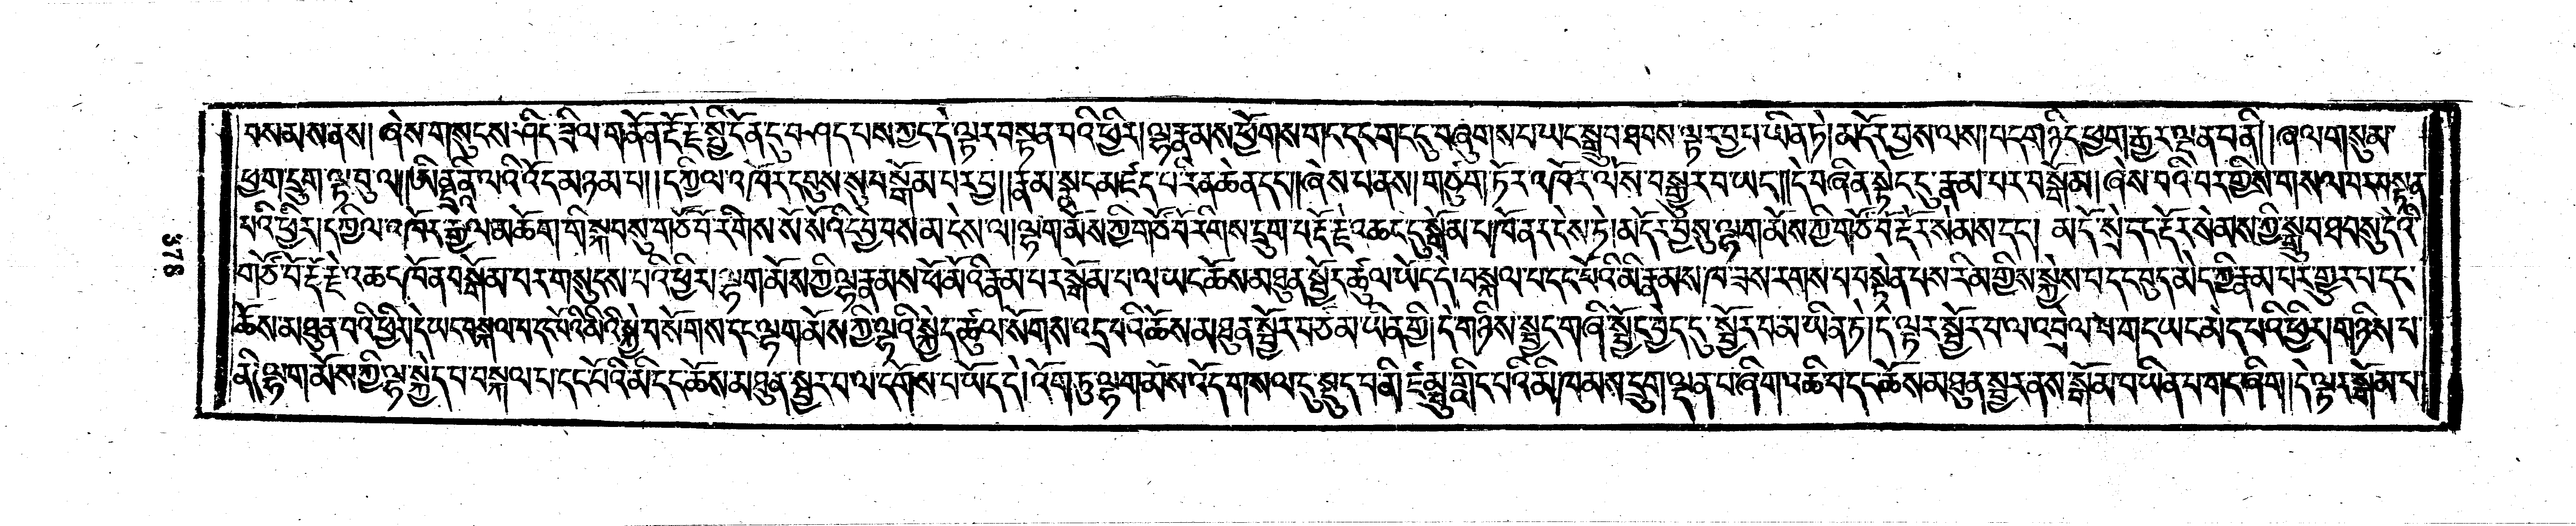བསམས་ནས། ཞེས་གསུངས་ཤིང་ཟིལ་གནོན་རྡོ་རྗེ་སྤྱི་དོན་དུ་བཤད་པས་ཀྱང་དེ་ལྟར་བསྟན་པའི་ཕྱིར། ལྷ་རྣམས་ཕྱོགས་གང་དང་གང་དུ་བཞུགས་པ་ཡང་སྒྲུབ་ཐབས་ལྟར་བྱ་བ་ཡིན་ཏེ། མདོར་བྱས་ལས། བདག་ཉིད་ཕྱག་རྒྱར་ལྡན་པ་ནི། །ཞལ་གསུམ་
ཕྱག་དྲུག་ལྟ་བུ་ལ། །ཨིནྡྲ་ནཱི་ལའི་འོད་མཉམ་པ། །དཀྱིལ་འཁོར་དབུས་སུ་བསྒོམ་པར་བྱ། །རྣམ་སྣང་མཛད་པ་རིན་ཆེན་དང་། །ཞེས་པ་ནས། གཙུག་ཏོར་འཁོར་ལོས་བསྒྱུར་བ་ཡང་། །དེ་བཞིན་སྟེང་དུ་རྣམ་པར་བསྒོམ། ཞེས་པའི་བར་གྱིས་གསལ་བར་བསྟན་
པའི་ཕྱིར། དཀྱིལ་འཁོར་རྒྱལ་མཆོག་གི་སྐབས་སུ་གཙོ་བོ་རིགས་སོ་སོའི་དབྱེ་བསམ་ངེས་ལ། ལྷག་མོས་ཀྱི་གཙོ་བོ་རིགས་དྲུག་པ་རྡོ་རྗེ་འཆང་དུ་སྒོམ་པ་ཁོ་ནར་ངེས་ཏེ། མདོར་བྱས་སུ་ལྷག་མོས་ཀྱི་གཙོ་བོ་རྡོར་སེམས་དང་། མདོ་སྲེ་དང་རྡོར་སེམས་ཀྱི་སྒྲུབ་ཐབས་སུ་དེའི་
གཙོ་བོ་རྡོ་རྗེ་འཆང་ཁོ་ན་བསྒོམ་པར་གསུངས་པའི་ཕྱིར། ལྷག་མོས་ཀྱི་ལྷ་རྣམས་ཕོ་མོའི་རྣམ་པར་སྒོམ་པ་ལ་ཡང་ཆོས་མཐུན་སྦྱོར་ཚུལ་ཡོད་དེ། བསྐལ་བ་དང་པོའི་མི་རྣམས་ཁ་ཟས་རགས་པ་བསྟེན་པས་རིམ་གྱིས་སྐྱེས་པ་དང་བུད་མེད་ཀྱི་རྣམ་པར་གྱུར་པ་དང་
ཆོས་མཐུན་པའི་ཕྱིར། དེ་ཡང་བསྐལ་བ་དང་པོའི་མིའི་སྐྱེ་བ་སོགས་དང་ལྷག་མོས་ཀྱི་ལྷའི་སྐྱེད་ཚུལ་སོགས་འདྲ་བའི་ཆོས་མཐུན་སྦྱོར་བ་ཙམ་ཡིན་གྱི། དེ་གཉིས་སྦྱང་གཞི་སྦྱོང་བྱེད་དུ་སྦྱོར་བ་མ་ཡིན་ཏེ། དེ་ལྟར་སྦྱོར་བ་ལ་འབྲེལ་པ་གང་ཡང་མེད་པའི་ཕྱིར། གཉིས་པ་
ནི། ལྷག་མོས་ཀྱི་ལྷ་སྐྱེད་པ་བསྐལ་པ་དང་པོའི་མི་དང་ཆོས་མཐུན་སྦྱར་བ་ལ་དགོས་པ་ཡོད་དེ། འོག་ཏུ་ལྷག་མོས་འོད་གསལ་དུ་སྡུད་པ་ནི། ཛམྦུ་གླིང་པའི་མི་ཁམས་དྲུག་ལྡན་པ་ཞིག་འཆི་བ་དང་ཆོས་མཐུན་སྦྱར་ནས་སྒོམ་པ་ཡིན་པ་གང་ཞིག །དེ་ལྟར་སྒོམ་པ་